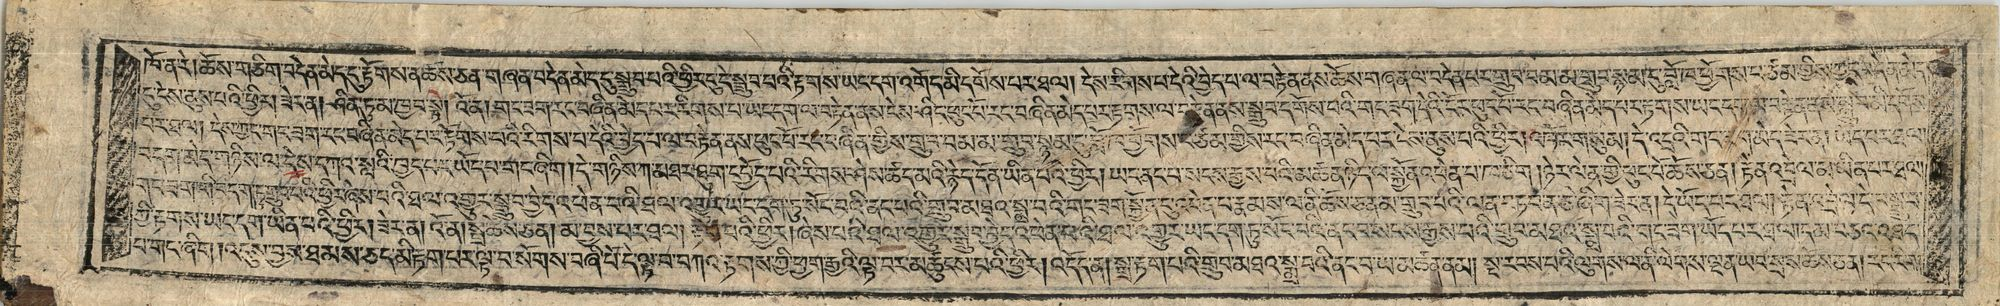ཁོ་ན་རེ། ཆོས་གཅིག་བདེན་མེད་དུ་རྟོགས་ན་ཆོས་ཅན་གཞན་བདེན་མེད་དུ་སྒྲུབ་པའི་ཕྱིར་དུ་དེ་སྒྲུབ་པའི་རྟགས་ཡང་དག་འགོད་མི་དགོས་པར་ཐལ། དེས་རིགས་པ་དེའི་བྱེད་པ་ལ་བརྟེན་ནས་ཆོས་གཞན་ལ་བདེན་པར་གྲུབ་བམ་མ་གྲུབ་སྙམ་དུ་བློ་ཁ་ཕྱོགས་པ་ཙམ་གྱིས་ཀྱང་བདེན་མེད་
དུ་ངེས་ནུས་པའི་ཕྱིར། ཟེར་ན། ཤིན་ཏུ་མ་ཁྱབ་སྟེ། འོ་ན། གང་ཟག་རང་བཞིན་མེད་པར་རིགས་པ་ཡང་དག་ལ་བརྟེན་ནས་ངེས་ཤིང་ཕུང་པོ་རང་བཞིན་མེད་པར་རྟགས་ལ་བརྟེན་ནས་སྒྲུབ་དགོས་པའི་གང་ཟག་དེའི་ངོར་ཕུང་པོ་རང་བཞིན་མེད་པར་རྟགས་ཡང་དག་ལ་བརྟེན་ནས་སྒྲུབ་མི་དགོས་
པར་ཐལ། དེས་ཀྱང་གང་ཟག་རང་བཞིན་མེད་པར་རྟོགས་པའི་རིགས་པ་དེའི་བྱེད་པ་ལ་བརྟེན་ནས་ཕུང་པོ་རང་བཞིན་གྱིས་གྲུབ་བམ་མ་གྲུབ་སྙམ་དུ་བློ་ཁ་ཕྱོགས་པ་ཙམ་གྱིས་རང་བཞིན་མེད་པར་ངེས་ནུས་པའི་ཕྱིར། འཁོར་གསུམ། དེ་འདྲའི་གང་ཟག་མེད་ཟེར་ན། ཡོད་པར་ཐལ།
བདག་མེད་གཉིས་ལ་ངེས་དཀའ་སླའི་ཁྱད་པར་ཡོད་པ་གང་ཞིག །དེ་གཉིས་ཀ་མཐར་ཐུག་དཔྱོད་པའི་རིགས་ཤེས་ཚད་མའི་རྙེད་དོན་ཡིན་པའི་ཕྱིར། ཡང་ནང་པ་སངས་རྒྱས་པའི་མཚན་ཉིད་ལ་སྐྱོན་འཕེན་པ་ཁ་ཅིག །ཉེར་ལེན་གྱི་ཕུང་པོ་ཆོས་ཅན། རྟེན་འབྲེལ་མ་ཡིན་པར་ཐལ་
གང་ཟག་གི་བདག་ཏུ་གྲུབ་པའི་ཕྱིར་ཞེས་པའི་ཐལ་འགྱུར་སྒྲུབ་བྱེད་འཕེན་པའི་ཐལ་འགྱུར་ཡང་དག་ཏུ་སོང་བའི་ནང་པའི་གྲུབ་མཐའ་སྨྲ་བའི་གང་ཟག་སྐྱོན་དུ་འཕེན་པ་རྣམས་ལ་ནི་ཆོས་ཅན་མ་གྲུབ་པའི་ལན་བཏབ་ན་ཅི་ཞིག་ཟེར་ན། དེ་ཡོད་པར་ཐལ། རྟེན་འབྲེལ་དེ་བསྒྲུབ་
ཀྱི་རྟགས་ཡང་དག་ཡིན་པའི་ཕྱིར། ཟེར་ན། འོ་ན། སྒྲ་ཆོས་ཅན། མ་བྱས་པར་ཐལ། རྟག་པའི་ཕྱིར། ཞེས་པའི་ཐལ་འགྱུར་སྒྲུབ་བྱེད་འཕེན་པའི་ཐལ་འགྱུར་ཡང་དག་ཏུ་སོང་བའི་ནང་པ་སངས་རྒྱས་པའི་གྲུབ་མཐའ་སྨྲ་བའི་གང་ཟག་ཡོད་པར་ཐལ་དམ་བཅའ་འཐད་
པ་གང་ཞིག །འདུས་བྱས་ཐམས་ཅད་མི་རྟག་པར་ལྟ་བ་སོགས་བཞི་པོ་དེ་ལྟ་བ་བཀའ་རྟགས་ཀྱི་ཕྱག་རྒྱའི་ལྟ་བར་མཚུངས་པའི་ཕྱིར། འདོད་ན། སྒྲ་རྟག་པའི་གྲུབ་མཐའ་སྨྲ་བའི་ནང་པ་ཡ་མཚན་ནམ། སྔ་རབས་པའི་ལུགས་ལ་ནི་ལེགས་ལྡན་ཡབ་སྲས་ཆོས་ཅན། རང་རིག་